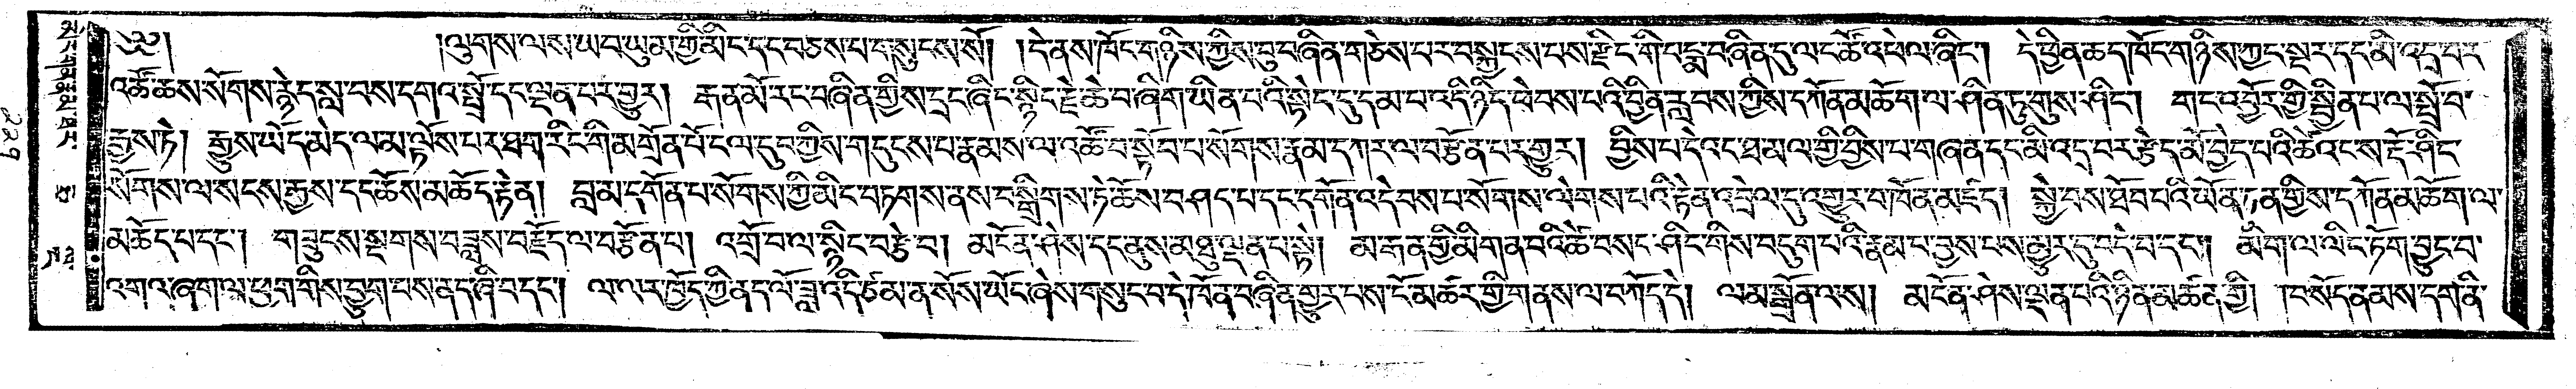༄༅། །ལུགས་ལས་ཡབ་ཡུམ་གྱི་མིང་དང་བཅས་པ་གསུངས་སོ། །དེ་ནས་ཁོང་གཉིས་ཀྱིས་བུ་བཞིན་གཅེས་པར་བསྐྱངས་པས་རྫིང་གི་པདམ་བཞིན་དུ་ལང་ཚོ་འཕེལ་ཞིང་། དེ་ཕྱིན་ཆད་ཁོང་གཉིས་ཀྱང་སྔར་དང་མི་འདྲ་བར་
འཚོ་ཆས་སོགས་རྙེད་སླ་བས་དགའ་སྤྲོ་དང་ལྡན་པར་གྱུར། རྒན་མོ་རང་བཞིན་གྱིས་དྲང་ཞིང་སྙིང་རྗེ་ཆེ་བ་ཞིག་ཡིན་པའི་སྟེང་དུ་དམ་པ་འདི་ཉིད་ཕེབས་པའི་བྱིན་རླབས་ཀྱིས་དཀོན་མཆོག་ལ་ཤིན་ཏུ་གུས་ཤིང་། གང་འབྱོར་གྱི་སྤྱིན་པ་ལ་སྤྲོ་བ་
རྒྱས་ཏེ། རྒྱུས་ཡོད་མེད་ལམ་ལྟོས་པར་ཐར་རིང་གི་མགྲོན་པོ་ངལ་དུ་བ་གྱིས་གདུངས་པ་རྣམས་ལ་འཚོ་བ་སྟོབ་པ་སོགས་རྣམ་དཀར་ལ་བརྩོན་པར་གྱུར། བྱིས་པ་དེའང་ཐ་མལ་གྱི་བྱིས་པ་གཞན་དང་མི་འདྲ་བར་རྩེད་མོ་བྱེད་པའི་ཚེའང་ས་རྡོ་ཤིང་
སོགས་ལ་སངས་རྒྱས་དང་ཆོས་མཆོད་རྟེན། བླ་མ་དགོན་པ་སོགས་ཀྱི་མིང་བཏགས་ནས་བསྒྲིགས་ཏེ་ཆོས་བཤད་པ་དང་དགོན་འདེབས་པ་སོགས་ལེགས་པའི་རྟེན་འབྲེལ་དུ་འགྱུར་བ་ཁོན་མཛད། སྐྱེ་བས་ཐོབ་པའི་ཡོན་ཏན་གྱིས་དཀོན་མཆོག་ལ་
མཆོད་པ་དང་། གཟུངས་སྔགས་བཟླུས་བརྗོད་ལ་བརྩོན་བ། འགྲོ་བ་ལ་སྙིང་བརྩེ་བ། མངོན་ཤེས་དང་ནུས་མཐུ་ལྡན་བ་སྟེ། མ་རྒན་གྱི་མིག་ན་བའི་ཚེ་བསང་ཤིང་གིས་འདུག་པའི་རྣམ་པ་བྱས་པས་མྱུར་དུ་བདེ་བ་དང་། མིག་ལ་ལིང་ཏོག་བྱུང་བ་
འགའ་ཞག་ལ་ཕྱག་གིས་བྱུག་པས་ནད་ཞི་བ་དང་། ལ་ལར་ཁྱོད་ཀྱི་ནད་ལོ་ཟླ་འདི་ཙམ་ན་སོས་ཡོང་ཞེས་གསུངས་པ་དེ་ཁོ་ན་བཞིན་གྱུར་པས་ངོ་མཚར་གྱི་གནས་ལ་བཀོད་དེ། ལམ་སྒྲོན་ལས། མངོན་ཤེས་ལྡན་པའི་ཉིན་མཚན་གྱི། །བསོད་ནམས་དག་ནི་